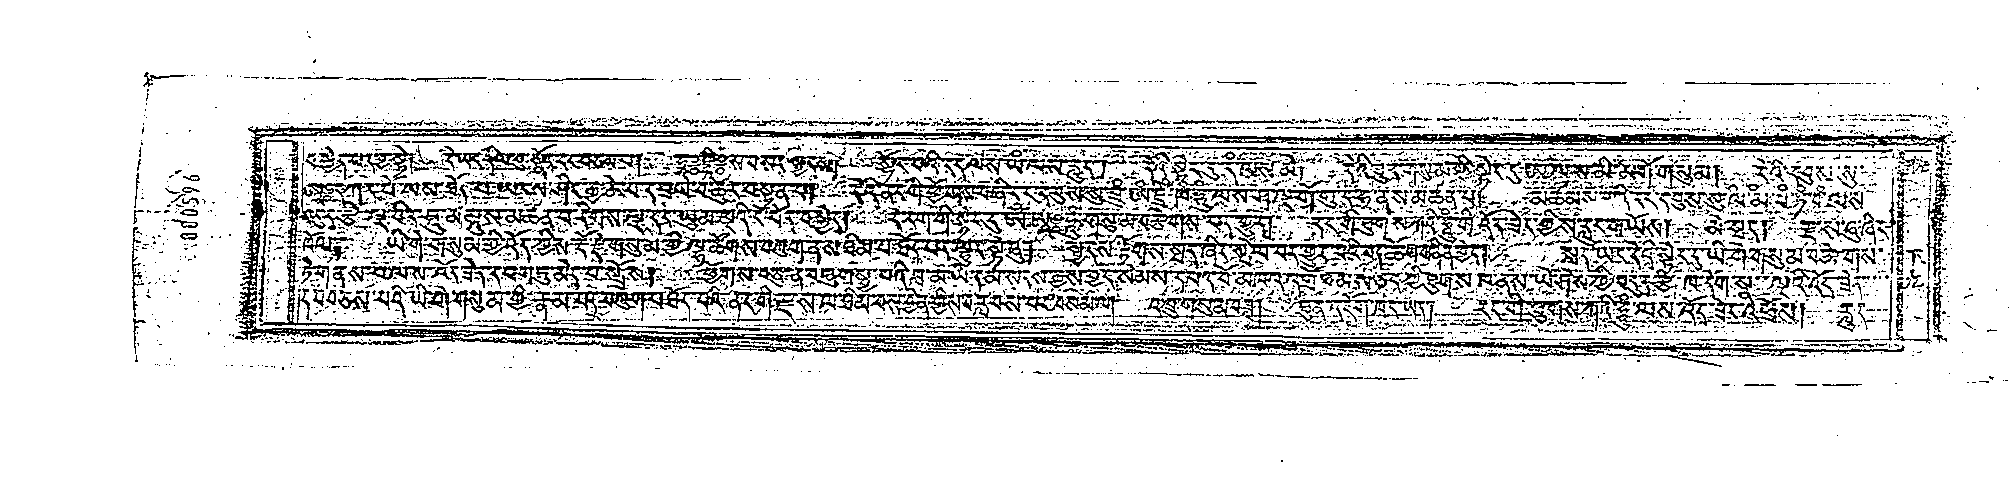བསྐྱེད་པར་བྱ་སྟེ། དེ་ཡང་རིལ་བུ་སྣོད་དང་བཅས་པ། ཧྲཱིཿ་ཥྚྲཱིཿ་ས་བསང་སྦྱངས། སྟོང་པའི་དད་ལས་ཡཾ་ལས་རླུང་། དེའི་སྟེང་དུ་རཾ་ལས་མེ། དེའི་ཟུར་གསུམ་གྱི་སྟེང་དུ་ཨ་ལས་མི་མགོ་གསུམ། དེའི་དབུས་སུ་
ཨཱཿ་དཀར་པོ་ལས་ཐོད་པ་ཡངས་ཤིང་རྒྱ་ཆེ་བ་དཔྲལ་བ་ཚུར་བསྟན་པ། དེའི་ནང་གི་ཕྱོགས་བཞི་དང་དབུས་སུ་བྲུཾ་ཨཾ་ཛྲིཾ་ཁཾ་ཧཱུཾ་ལས་ཤ་ལྔ་གོ་གུ་ད་ཧ་ནས་མཚན་པ། མཚམས་བའི་དང་དབུས་སུ་ལཾ་མཾ་པཾ་ཏཾ་བཾ་ལས་
བདུད་རྩི་ལྔ་བི་ར་ཤཱུ་མ་མཱུས་མཚན་པ་རིགས་ལྔ་དང་ཡུམ་ལྔའི་ངོ་བོར་བསྐྱེད། དེ་དག་གི་སྟེང་དུ་ཨོཾ་ཨཱཿ་ཧཱུཾ་གསུམ་བརྩེགས་པར་གྱུར། རང་གི་ཐུགས་ཀའི་ཧཱུཾ་གི་འོད་ཟེར་གྱིས་རླུང་གཡོས། མེ་སྦར། རྫས་ཞུ་ཞིང་
ཁོལ༑ ཡི་གེ་གསུམ་གྱི་འོད་ཀྱིས་རྡོ་རྗེ་གསུམ་གྱི་ལྷ་ཚོགས་བཀུག་ནས་ཐིམ་པ་ཐོད་པར་ལྷུང་སྟེ་ཞུ། སྦྱངས་རྟོགས་སྦར་ཞིང་སྤེལ་བར་གྱུར་པའི་བར་ཆོ་ག་བཞིན་བྱེད། སླར་ཡང་དེའི་སྟེང་དུ་ཡི་གེ་གསུམ་བརྩེགས་
ཏེ་གནས་བ་ལས་འོད་ཟེར་དཔག་ཏུ་མེད་པ་སྤྲོས། ཕྱོགས་བཅུ་ན་བཞུགས་སྦྱ་པའི་བླ་མ་ཡི་དམ་སངས་རྒྱས་བྱང་སེམས་དཔའ་བོ་མཁའ་འགྲོ་ཐམས་ཅད་ཀྱི་ཐུགས་ཀ་ནས་ཡེ་ཤེས་ཀྱི་བདུད་རྩི་ཁ་དོག་སྣ་ལྔའི་འོད་ཟེར་
དང་བཅས་པའི་ཡི་གེ་གསུམ་གྱི་རྣམ་པར་བཀུག་པ་ཐོད་པའི་ནང་གི་རྫས་ལ་ཐིམ་བས་བྱིན་གྱིས་བརླབ་སྤར་བསམ་ལ། འབྲུ་གསུམ་བཟླ། ཐུན་འཇོག་ཁར་ཡང་། རང་གི་ཐུགས་ཀའི་ཧཱུཾ་ལས་འོད་ཟེར་འཕྲོས། རླུང་